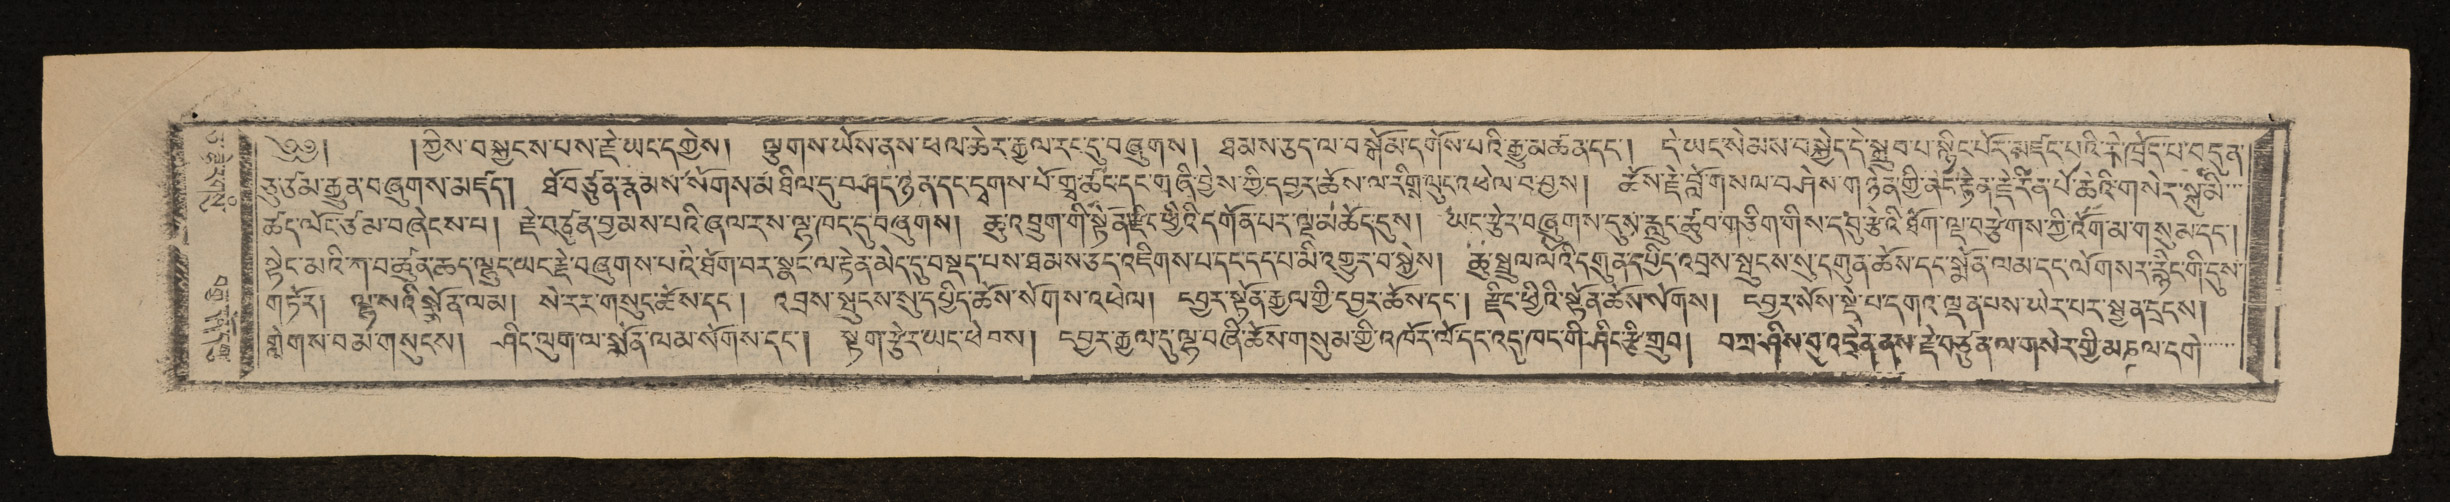༄༅། །ཀྱིས་བསྐྱངས་པས་རྗེ་ཡང་དགྱེས། ལྕགས་ཡོས་ནས་ཕལ་ཆེར་རྒྱལ་རང་དུ་བཞུགས། ཐམས་ཅད་ལ་བསྒོམ་དགོས་པའི་རྒྱུ་མཚན་དང་། དེ་ཡང་སེམས་བསྐྱེད་དེ་སྒྲུབ་པ་སྙིང་པོར་མཛད་པའི་རི་ཁྲོད་པ་བདུན་
ཅུ་ཙམ་རྒྱུན་བཞུགས་མཛད། ཐོ་བཙུན་རྣམས་སོགས་མཐིལ་དུ་བཤད་ཉན་དང་དྭགས་པོ་གྲྭ་ཚང་དང་གཞི་བྱེས་ཀྱི་དབྱར་ཆོས་ལ་རིགས་ལུང་འཕེལ་བ་བྱས། ཆོས་རྗེ་བློ་གསལ་བཤེས་གཉེན་གྱི་ནང་རྟེན་རྗེ་རིན་པོ་ཆེའི་གསེར་སྐུ་མི་
ཚད་ལོང་ཙམ་བཞེངས་པ། རྗེ་བཙུན་བྱམས་པའི་ཞལ་རས་ལྷ་ཁང་དུ་བཞུགས། ཆུ་འབྲུག་གི་སྟོན་རྫིང་ཕྱིའི་དགོན་པར་ལྔ་མཆོད་དུས། ཡང་རྩེར་བཞུགས་དུས་རླུང་ཚུབ་གཅིག་གིས་དབུ་རྩེའི་ཐོག་ལྔ་བརྩེགས་ཀྱི་འོག་མ་གསུམ་དང་།
སྟེང་མའི་ཀ་བ་ཚུན་ཆད་ལྷུང་ཡང་རྗེ་བཞུགས་པའི་ཐོག་བར་སྣང་ལ་རྟེན་མེད་དུ་བསྡད་པས་ཐམས་ཅད་འཇིགས་པ་དང་དད་པ་མི་འགྱུར་བ་སྐྱེས། ཆུ་སྦྲུལ་ལོའི་དགུན་དཔྱིད་འབྲས་སྤུངས་སུ་དགུན་ཆོས་དང་སྨོན་ལམ་དང་ལོ་གསར་རྙིང་གི་དུས་
གཏོར། ལྷ་སའི་སྨོན་ལམ། སེ་རར་གསུང་ཆོས་དང་། འབྲས་སྤུངས་སུ་དཔྱིད་ཆོས་སོགས་འཕེལ། དབྱར་སྟོན་རྒྱལ་གྱི་དབྱར་ཆོས་དང་། རྫིང་ཕྱིའི་སྟོན་ཆོས་སོགས། དབྱར་སོས་སྡེ་པ་དགའ་ལྡན་པས་ཡེར་བར་སྤྱན་དྲངས།
ཨེགླེགས་བམ་གསུངས། ཤིང་ལུག་ལ་སྨོན་ལམ་སོགས་དང་། སྟག་རྩེར་ཡང་ཕེབས། དབྱར་རྒྱལ་དུ་ལྷ་བཞི་ཆོས་གསུམ་གྱི་འཁོར་ལོ་དང་འདུ་ཁང་གི་ཤིང་རྩི་གྲུབ། བཀྲ་ཤིས་བུ་འདྲེན་ནས་རྗེ་བཙུན་ལ་གསེར་གྱི་མཎྜལ་དགེ་